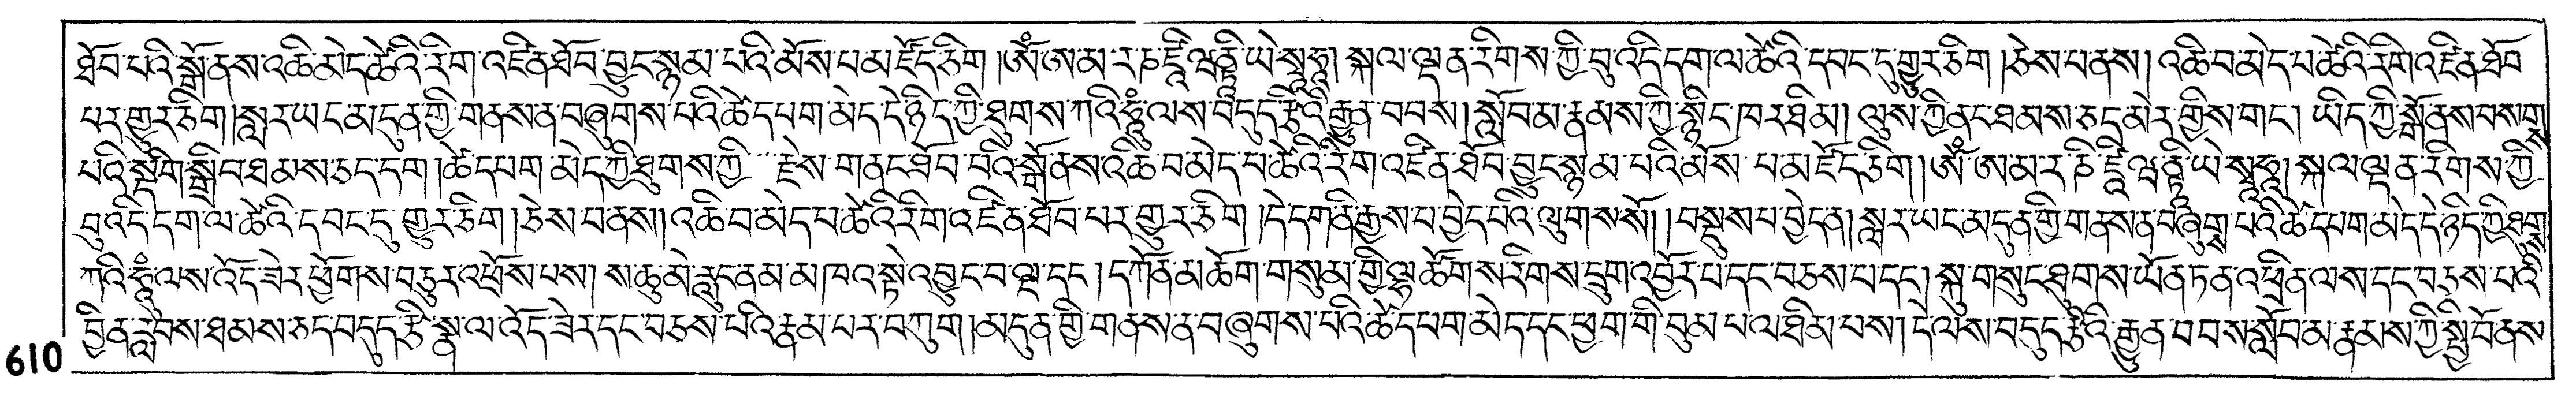ཐོབ་པའི་སྒོ་ནས་འཆི་མེད་ཚེའི་རིག་འཛིན་ཐོབ་བྱུང་སྙམ་པའི་མོས་པ་མཛོད་ཅིག །ཨོཾ་ཨ་མ་ར་ཎ་ཛཱི་ཝནྟཱི་ཡེ་སྭཱ་ཧཱ། སྐལ་ལྡན་རིགས་ཀྱི་བུ་འདི་དག་ལ་ཚེའི་དབང་དུ་གྱུར་ཅིག །ཅེས་པ་ནས། འཆི་བ་མེད་པ་ཚེའི་རིག་འཛིན་ཐོབ་
པར་གྱུར་ཅིག །སླར་ཡང་མདུན་གྱི་གནས་ན་བཞུགས་པའི་ཚེ་དཔག་མེད་དེ་ཉིད་ཀྱི་ཐུགས་ཀའི་ཧཱུཾ་ལས་བདུད་རྩིའི་རྒྱུན་བབས། སློབ་མ་རྣམས་ཀྱི་སྙིང་ཁར་ཐིམ། ལུས་ཀྱི་ནང་ཐམས་ཅད་མེར་གྱིས་གང་། ཡིད་ཀྱི་སྒོ་ནས་བསགས་
པའི་སྡིག་སྒྲིབ་ཐམས་ཅད་དག །ཚེ་དཔག་མེད་ཀྱི་ཐུགས་ཀྱི་རྗེས་གནང་ཐོབ་པའི་སྒོ་ནས་འཆི་བ་མེད་པ་ཚེའི་རིག་འཛིན་ཐོབ་བྱུང་སྙམ་པའི་མོས་པ་མཛོད་ཅིག །ཨོཾ་ཨ་མ་ར་ཎི་ཛཱི་ཝ་ནྟཱི་ཡེ་སྭཱ་ཧཱ། སྐལ་ལྡན་རིགས་ཀྱི་
བུ་འདི་དག་ལ་ཚེའི་དབང་དུ་གྱུར་ཅིག །ཅེས་པ་ནས། འཆི་བ་མེད་པ་ཚེའི་རིག་འཛིན་ཐོབ་པར་གྱུར་ཅིག །དེ་དག་ནི་རྒྱས་པ་བྱེད་པའི་ལུགས་སོ། །བསྡུས་པ་བྱེད་ན། སླར་ཡང་མདུན་གྱི་གནས་ན་བཞུགས་པའི་ཚེ་དཔག་མེད་དེ་ཉིད་ཀྱི་ཐུགས་
ཀའི་ཧཱུཾ་ལས་འོད་ཟེར་ཕྱོགས་བཅུར་འཕྲོས་པས། ས་ཆུ་མེ་རླུང་ནམ་མཁའ་སྟེ་འབྱུང་བ་ལྔ་དང་། དཀོན་མཆོག་གསུམ་གྱི་ལྷ་ཚོགས་རིགས་དྲུག་འབྱོར་པ་དང་བཅས་པ་དང་། སྐུ་གསུང་ཐུགས་ཡོན་ཏན་འཕྲིན་ལས་དང་བཅས་པའི་
བྱིན་རླབས་ཐམས་ཅད་བདུད་རྩི་སྣ་ལ་འོད་ཟེར་དང་བཅས་པའི་རྣམ་པར་བཀུག །མདུན་གྱི་གནས་ན་བཞུགས་པའི་ཚེ་དཔག་མེད་དང་ཕྱག་གི་བུམ་པ་ལ་ཐིམ་པས། དེ་ལས་བདུད་རྩིའི་རྒྱུན་བབས་སློབ་མ་རྣམས་ཀྱི་སྤྱི་བོ་ནས་